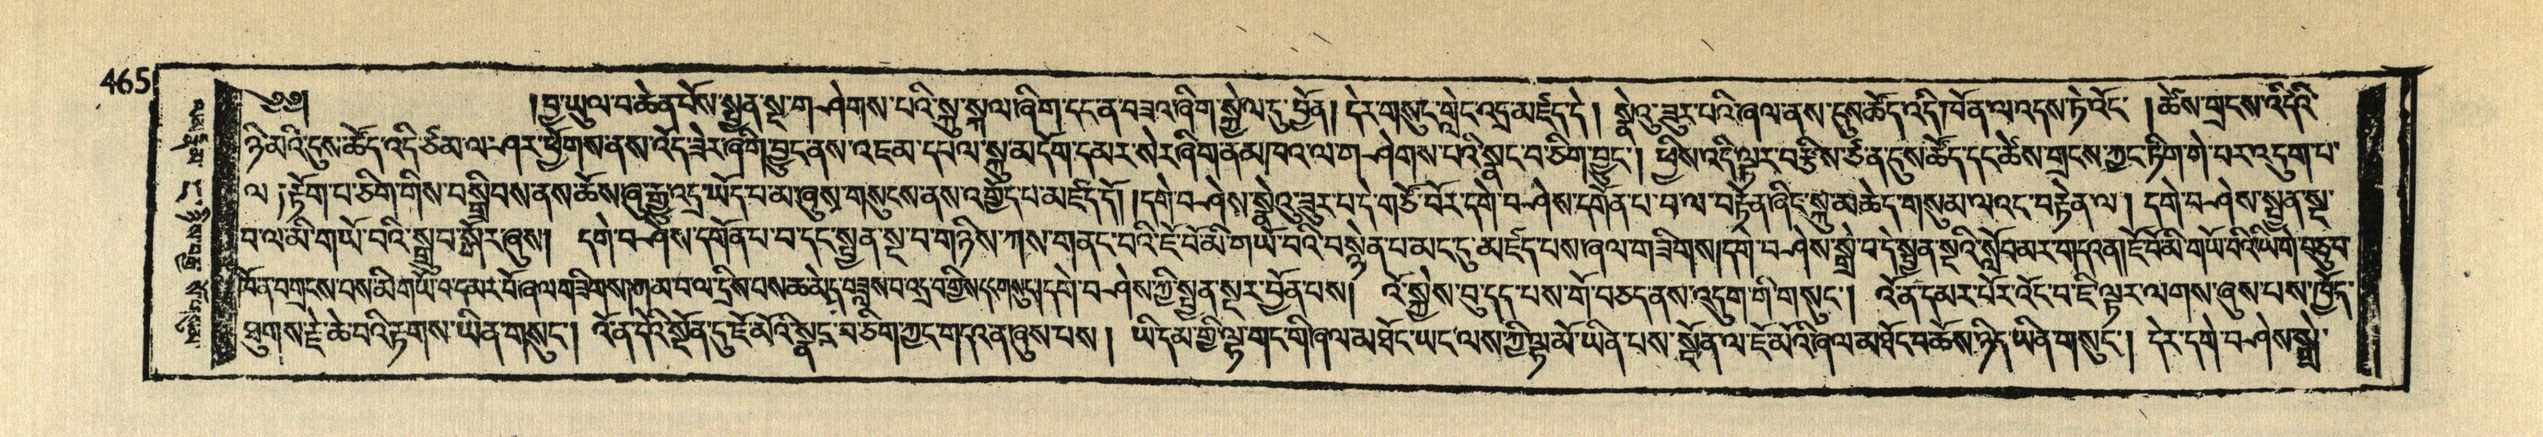༄༅། །བྱ་ཡུལ་བ་ཆེན་པོས་སྤྱན་སྔ་གཤེགས་པའི་སྐུ་སྐལ་ཞིག་དང་ན་བཟའ་ཞིག་སྐྱེལ་དུ་བྱོན། དེར་གསུང་གླེང་འདྲ་མཛད་དེ། སྣེའུ་ཟུར་པའི་ཞལ་ནས་དུས་ཚོད་འདི་ཁོན་ལ་འདས་ཏེ་འོང་།ཚེས་གྲངས་འདིའི་
ཉི་མའི་དུས་ཚོད་འདི་ཙམ་ལ་ཤར་ཕྱོགས་ནས་འོད་ཟེར་ཞིག་བྱུང་ནས་འཇམ་དཔལ་སྐུ་མདོག་དམར་སེར་ཞིག་ནམ་མཁའ་ལ་གཤེགས་པའི་སྣང་བ་ཅིག་བྱུང་། ཕྱིས་འདི་ལྟར་བརྩིས་ཙ་ན་དུས་ཚོད་དང་ཚེས་གྲངས་ཀྱང་ཏིག་གེ་པར་འདུག་པ་
ལ་༑རྟོག་པ་ཅིག་གིས་བསྒྲིབས་ནས་ཆོས་ཞུ་རྒྱུ་འདྲ་ཡོད་པ་མ་ཞུས་གསུངས་ནས་འགྱོད་པ་མཛད་དོ། །དགེ་བཤེས་སྣེའུ་ཟུར་པ་དེ་གཙོ་བོར་དགེ་བཤེས་དགོན་པ་པ་ལ་བརྟེན་ཞིང་སྐུ་མཆེད་གསུམ་ལའང་བརྟེན་ལ། དགེ་བཤེས་སྤྱན་སྔ་
བ་ལ་མི་གཡོ་བའི་སྒྲུབ་སྒོར་ཞུས། དགེ་བཤེས་དགོན་པ་བ་དང་སྤྱན་སྔ་བ་གཉིས་ཀས་གནང་བའི་ཇོ་བོ་མི་གཡོ་བའི་བསྙེན་པ་མང་དུ་མཛད་པས་ཞལ་གཟིགས་དགེ་བཤེས་སྒྲེ་བ་དེ་སྤྱན་སྔའི་སློབ་མར་གདའ་ན། ཇོ་བོ་མི་གཡོ་བའི་ཡི་གེ་བཅུ་བ་
ཁོ་ན་བགྲངས་བས་མི་གཡོ་བ་དམར་པོ་ཞལ་གཟིགས། ཀ་མ་བ་ལ་དྲིས་པས་ཆ་མེད་བཟླས་པ་འདྲ་བ་གྱིས་དང་གསུང་། དགེ་བཤེས་ཀྱི་སྤྱན་སྔར་བྱོན་པས། འོ་སྐྱེས་བུ་དད་པས་གོ་བཅད་ནས་འདུག་གི་གསུང་། འོ་ན་དམར་པོར་འོང་བ་ཇི་ལྟར་ལགས་ཞུས་པས་ཁྱོད་
ཐུགས་རྗེ་ཆེ་བའི་རྟགས་ཡིན་གསུང་། འོ་ན་དེའི་སྔོན་དུ་ཇོ་མོའི་སྣང་བ་ཅིག་ཀྱང་གདའ་ན་ཞུས་པས། ཡི་དམ་གྱི་ལྷ་གང་གི་ཞལ་མཐོང་ཡང་ལས་ཀྱི་ལྷ་མོ་ཡིན་པས་སྔོན་ལ་ཇོ་མོའི་ཞལ་མཐོང་བ་ཆོས་ཉིད་ཡིན་གསུང་། དེར་དགེ་བཤེས་སྒྲེ་